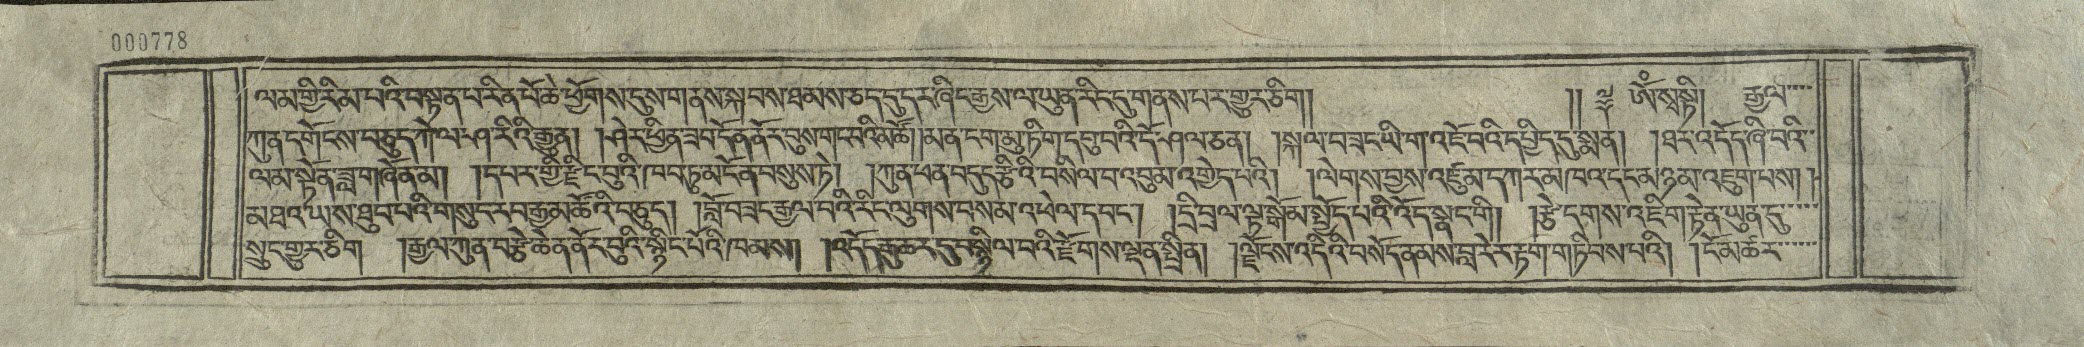ལམ་གྱི་རིམ་པའི་བསྟན་པ་རིན་པོ་ཆེ་ཕྱོགས་དུས་གནས་སྐབས་ཐམས་ཅད་དུ་དར་ཞིང་རྒྱས་ལ་ཡུན་རིང་དུ་གནས་པར་གྱུར་ཅིག །། །། ༈ ཨོཾ་སྭ་སྟི། རྒྱལ་
ཀུན་དགོངས་བཅུད་ཀེ་ལ་ཤ་རིའི་རྒྱུན། །ཤེར་ཕྱིན་ཟབ་དོན་ནོར་བུས་གང་བའི་མཚོ། །མན་ངག་མུ་ཏིག་དབུ་བའི་དོ་ཤལ་ཅན། །སྐལ་བཟང་ཡི་ག་འཇོ་བའི་དཔྱིད་དུ་སྨན། །ཐར་འདོད་ཞི་བའི་
ལམ་སྟོན་ཟླ་གཞོན་མ། །དཔར་གྱི་རྫིང་བུའི་ཁབ་ཏུ་མངོན་བསུས་ཏེ། །ཀུན་ཕན་བདུད་རྩིའི་བསིལ་བ་འབུམ་འགྱེད་པའི། །ལེགས་བྱས་འཛུམ་དཀར་མཁའ་དང་མཉམ་འཇུག་པས། །
མཐའ་ཡས་ཐུབ་པའི་གསུང་རབ་རྒྱ་མཚོའི་བཅུད། །བློ་བཟང་རྒྱལ་བའི་རིང་ལུགས་བསམ་འཕེལ་དབང་། །དྲི་བྲལ་ལྟ་སྒོམ་སྤྱོད་པའི་འོད་སྣང་གི་རྩེ་དགས་འཇིག་རྟེན་ཡུན་དུ་
སྲུང་གྱུར་ཅིག །རྒྱལ་ཀུན་བརྩེ་ཆེན་ནོར་བུའི་སྙིང་པོའི་ཁམས། །འདོད་རྒུ་ཆར་དུ་བསྙིལ་བའི་རྫོགས་ལྡན་སྤྲིན། །ལྗོངས་འདིའི་བསོད་ནམས་བླ་རེར་རྟག་གཏིབས་པའི། །ངོ་མཚར་